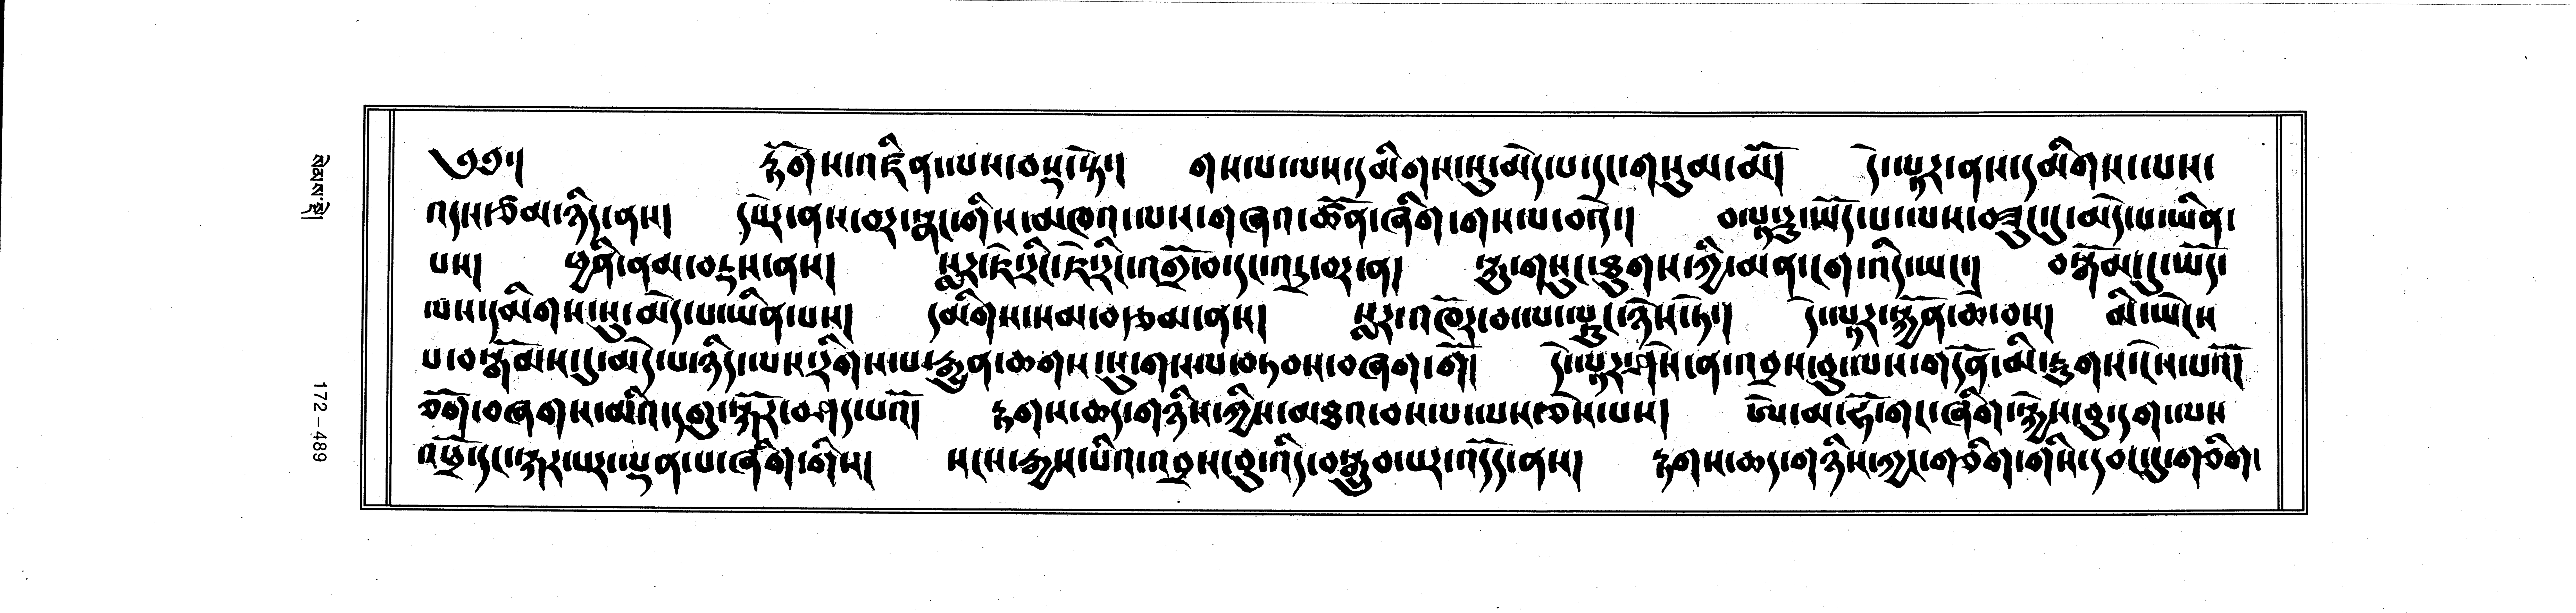རྟོགས་འཛིན་ལས་བསྡ་སྟེ། གསལ་ལས་དམིགས་སུ་མེད་པ་དང་གསུམ་མོ། དེ་ལྟར་ནས་དམིགས་ལས་
འདས་ཙམ་ཉིད་ན། དཔེར་ནས་བར་སྣང་གིས་མཁའ་ལས་གཞའ་ཚོན་ཞིག་གསལ་བ་དེ། བལྟ་རུ་ཡོད་པ་ལས་བཟུང་དུ་མེད་པ་ཡིན་
པས། ཕྱིན་ནམ་བརྡས་ནས། སླར་ཇེ་རིང་ཇེ་རིང་འགྲོ་བ་དང་འདྲ་བར་ན། སྐུ་གསུང་ཐུགས་ཀྱི་མན་ངག་འདི་ཡང་། བསྒོམ་དུ་ཡོད་
ལས་དམིགས་སུ་མེད་པ་ཡིན་པས། དམིགས་སམ་བརྩམ་ནས། སླར་འཁོར་བ་ལ་ལྟུང་ཉེས་ཏེ། དེ་ལྟར་སྐྱོན་ཆེ་བས། མི་གཡེངས་
པ་བསྒོམས་དུ་མེད་པ་ཉིད་ལས་རིག་པ་རྒྱུན་ཆགས་སུ་གསལ་བཏབས་བཞག་གོ། དེ་ལྟར་ཤེས་ན་འབྲས་བུ་ལས་གདོན་མི་རྡུགས་ངེས་པའོ། 
ཅོག་བཞགས་མའི་དགུ་སྐོར་བཤད་པའོ། རྟག་ཆད་གཉིས་ཀྱིས་མཐའ་བསལ་ལས་ཅེས་པས། ཨེ་མ་ཧོ་གང་ཞིག་སྐྱེས་བུ་དག་ལས་
འཕྲོ་དང་སྐལ་པར་ལྡན་པ་ཞིག་གིས། སངས་རྒྱས་པའི་འབྲས་བུ་འདི་བསྒྲུབས་པར་འདོད་ན། རྟག་ཆད་གཉིས་ཀྱང་གཅིག་གིས་དབང་དུ་གཅིག་